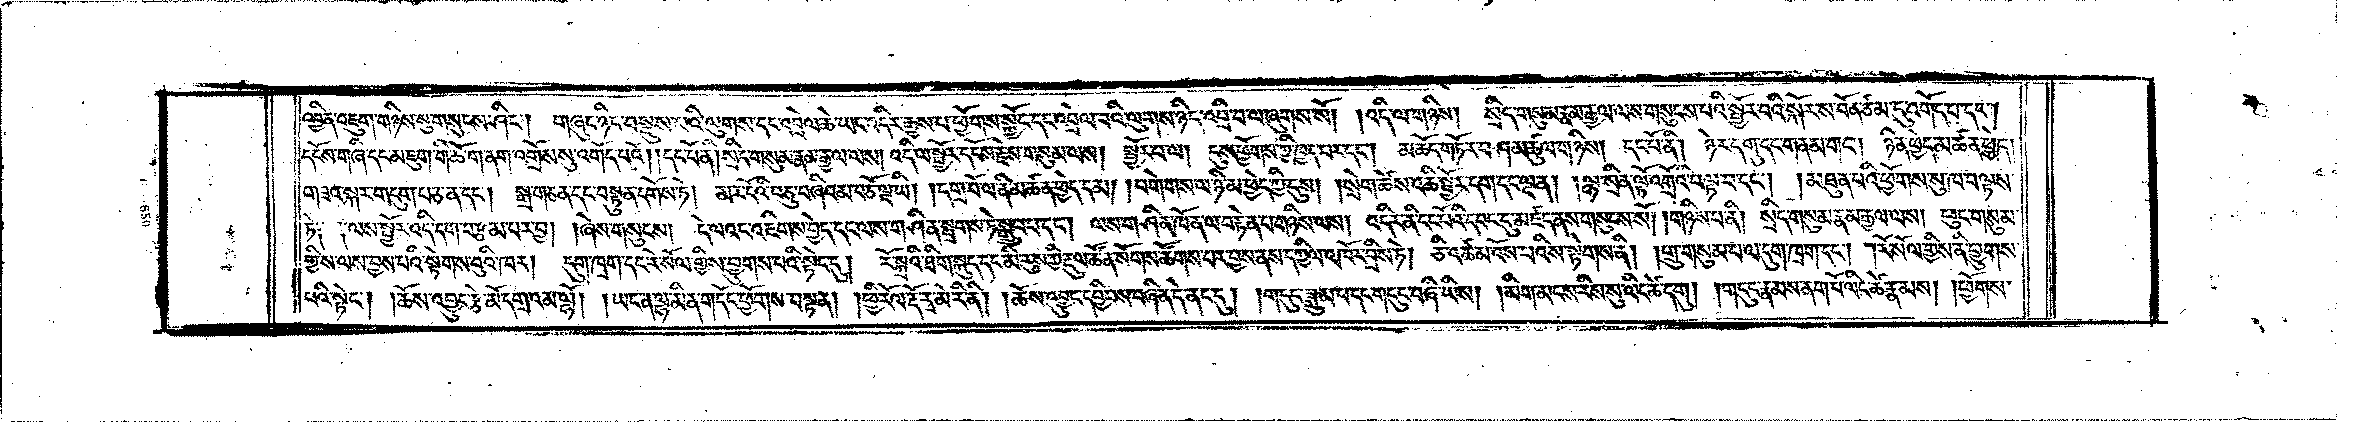འབྱིན་འཇུག་གཉིས་སུ་གསུངས་ཤིང་། གཞུང་ཉིད་བསྡུས་པའི་ལུགས་དང་འབྲེལ་ཆེ་ཡང་འདིར་རྒྱས་པ་ཕྱོགས་སྐྱོང་དང་འབྲེལ་བའི་ལུགས་ཉིད་འབྲི་བ་ལ་ཞུགས་སོ། །འདི་ལ་གཉིས། སྲིད་གསུམ་རྣམ་རྒྱལ་ལས་གསུངས་པའི་སྦྱོར་བའི་སྐོར་ས་བོན་ཙམ། དུ་འགོད་པ་དང་།
དངོས་གཞི་དང་མཇུག་གི་ཆོ་ག་ནག་འགྲོས་སུ་འགོད་པའོ། །དང་པོ་ནི། སྲིད་གསུམ་རྣམ་རྒྱལ་ལས། འདི་ལ་སྦྱོར་དངོས་རྗེས་གསུམ་ལས། སྦྱོར་བ་ལ། དུས་ཕྱོགས་ཀྱི་ཁྱད་པར་དང་། མཆོད་གཏོར་བཤམ་ཚུལ་གཉིས། དང་པོ་ནི། ཉེར་དགུ་དང་གནམ་གང་། ཉིན་ཕྱེད་མཚན་ཕྱེད།
གཟའ་སྐར་གདུག་པ་ཅན་དང་། སྒྲ་གཅན་དང་བསྟུན་དགོས་ཏེ། མར་ངོའི་བཅུ་བཞི་འམ་བཅོ་ལྔ་ཡི། །དགྲ་པོ་ལ་ནི་མཚན་ཕྱེད་དམ། །བགེགས་ལ་ཉི་མ་ཕྱེད་ཀྱི་དུས། །སྲེག་ཚེས་འཆི་སྦྱོར་དག་དང་ལྡན། །ལྷ་སྲིན་ལྟོ་འགྲོའི་བལྟ་བ་དང་། །མཐུན་པའི་ཕྱོགས་སུ་ཁ་བལྟས་
ཏེ༑ ༑ལས་སྦྱོར་འདི་དག་བརྩམ་པར་བྱ། །ཞེས་གསུངས། དེ་ལ་འང་འཇིགས་བྱེད་དང་ལས་གཤིན་སྦྲགས་ཏེ་སྒྲུབ་བ་དང་། ལས་གཤིན་ཁོ་ན་ལ་བརྟེན་པ་གཉིས་ལས། འདིར་ནི་དང་པོའི་དབང་དུ་མཛད་ནས་གསུངས་སོ། །གཉིས་པ་ནི། སྲིད་གསུམ་རྣམ་རྒྱལ་ལས། ཕུང་གསུམ་
གྱིས་ལས་བྱས་པའི་སྟེགས་བུའི་ཁར། དུག་ཁྲག་དང་རེ་སོལ་གྱིས་བྱུགས་པའི་སྟེང་དུ། རོ་སྐྲའི་ཐིག་སྐུད་དང་མི་རུས་ཀྱི་རྡུལ་ཚོན་སོགས་ཚོགས་པར་བྱས་ནས་དཀྱིལ་འཁོར་བྲིས་ཏེ། ཅི་འཚམ་འོས་པའི་ས་སྟེགས་ནི། །གྲུ་གསུམ་པ་ལ་དགུ་ཁྲག་དང་། །རོ་སོལ་གྱིས་ནི་བྱུགས་
པའི་སྟེང་། །ཆོས་འབྱུང་རྩེ་མོ་དགྲའམ་ལྷོ། །ཡང་ན་ལྷ་མིན་གདོང་ཕྱོགས་བསྟན། །ཕྱི་རོལ་རྡོ་རྭ་མེ་རི་ནི། ཆོས་འབྱུང་དབྱིབས་བཞིན་དེ་ནང་དུ། །གདུང་ཟླུམ་པ་དང་གདུང་བཞི་ཡིས། །མིག་མངས་རིས་སུ་ལིང་ཚེ་དགུ། །གདུང་རྣམས་ནག་པོ་ལིང་ཚེ་རྣམས། །ཕྱོགས་